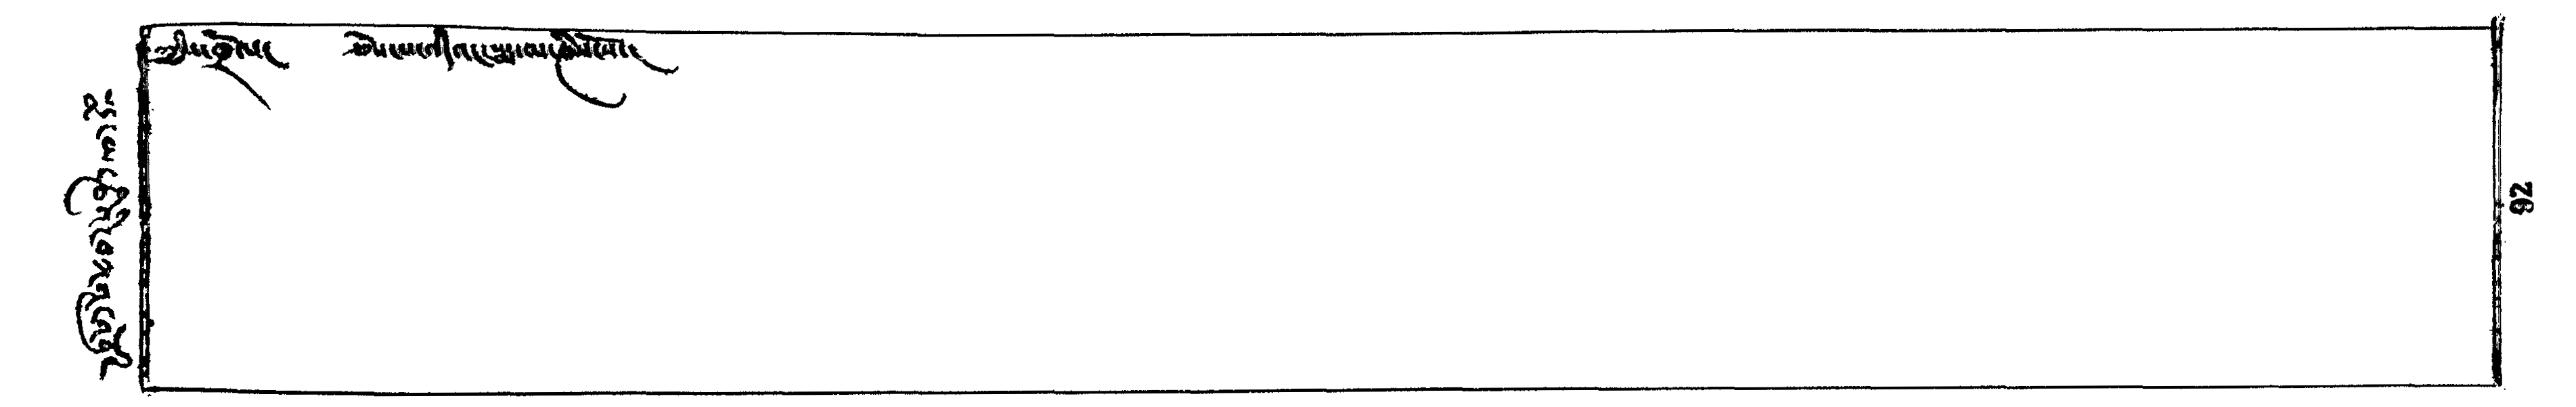ཀྱིས་སྦྲེལ། ཅེས་པ་འདིའང་པདྨ་མ་ཎིས་སོ།།